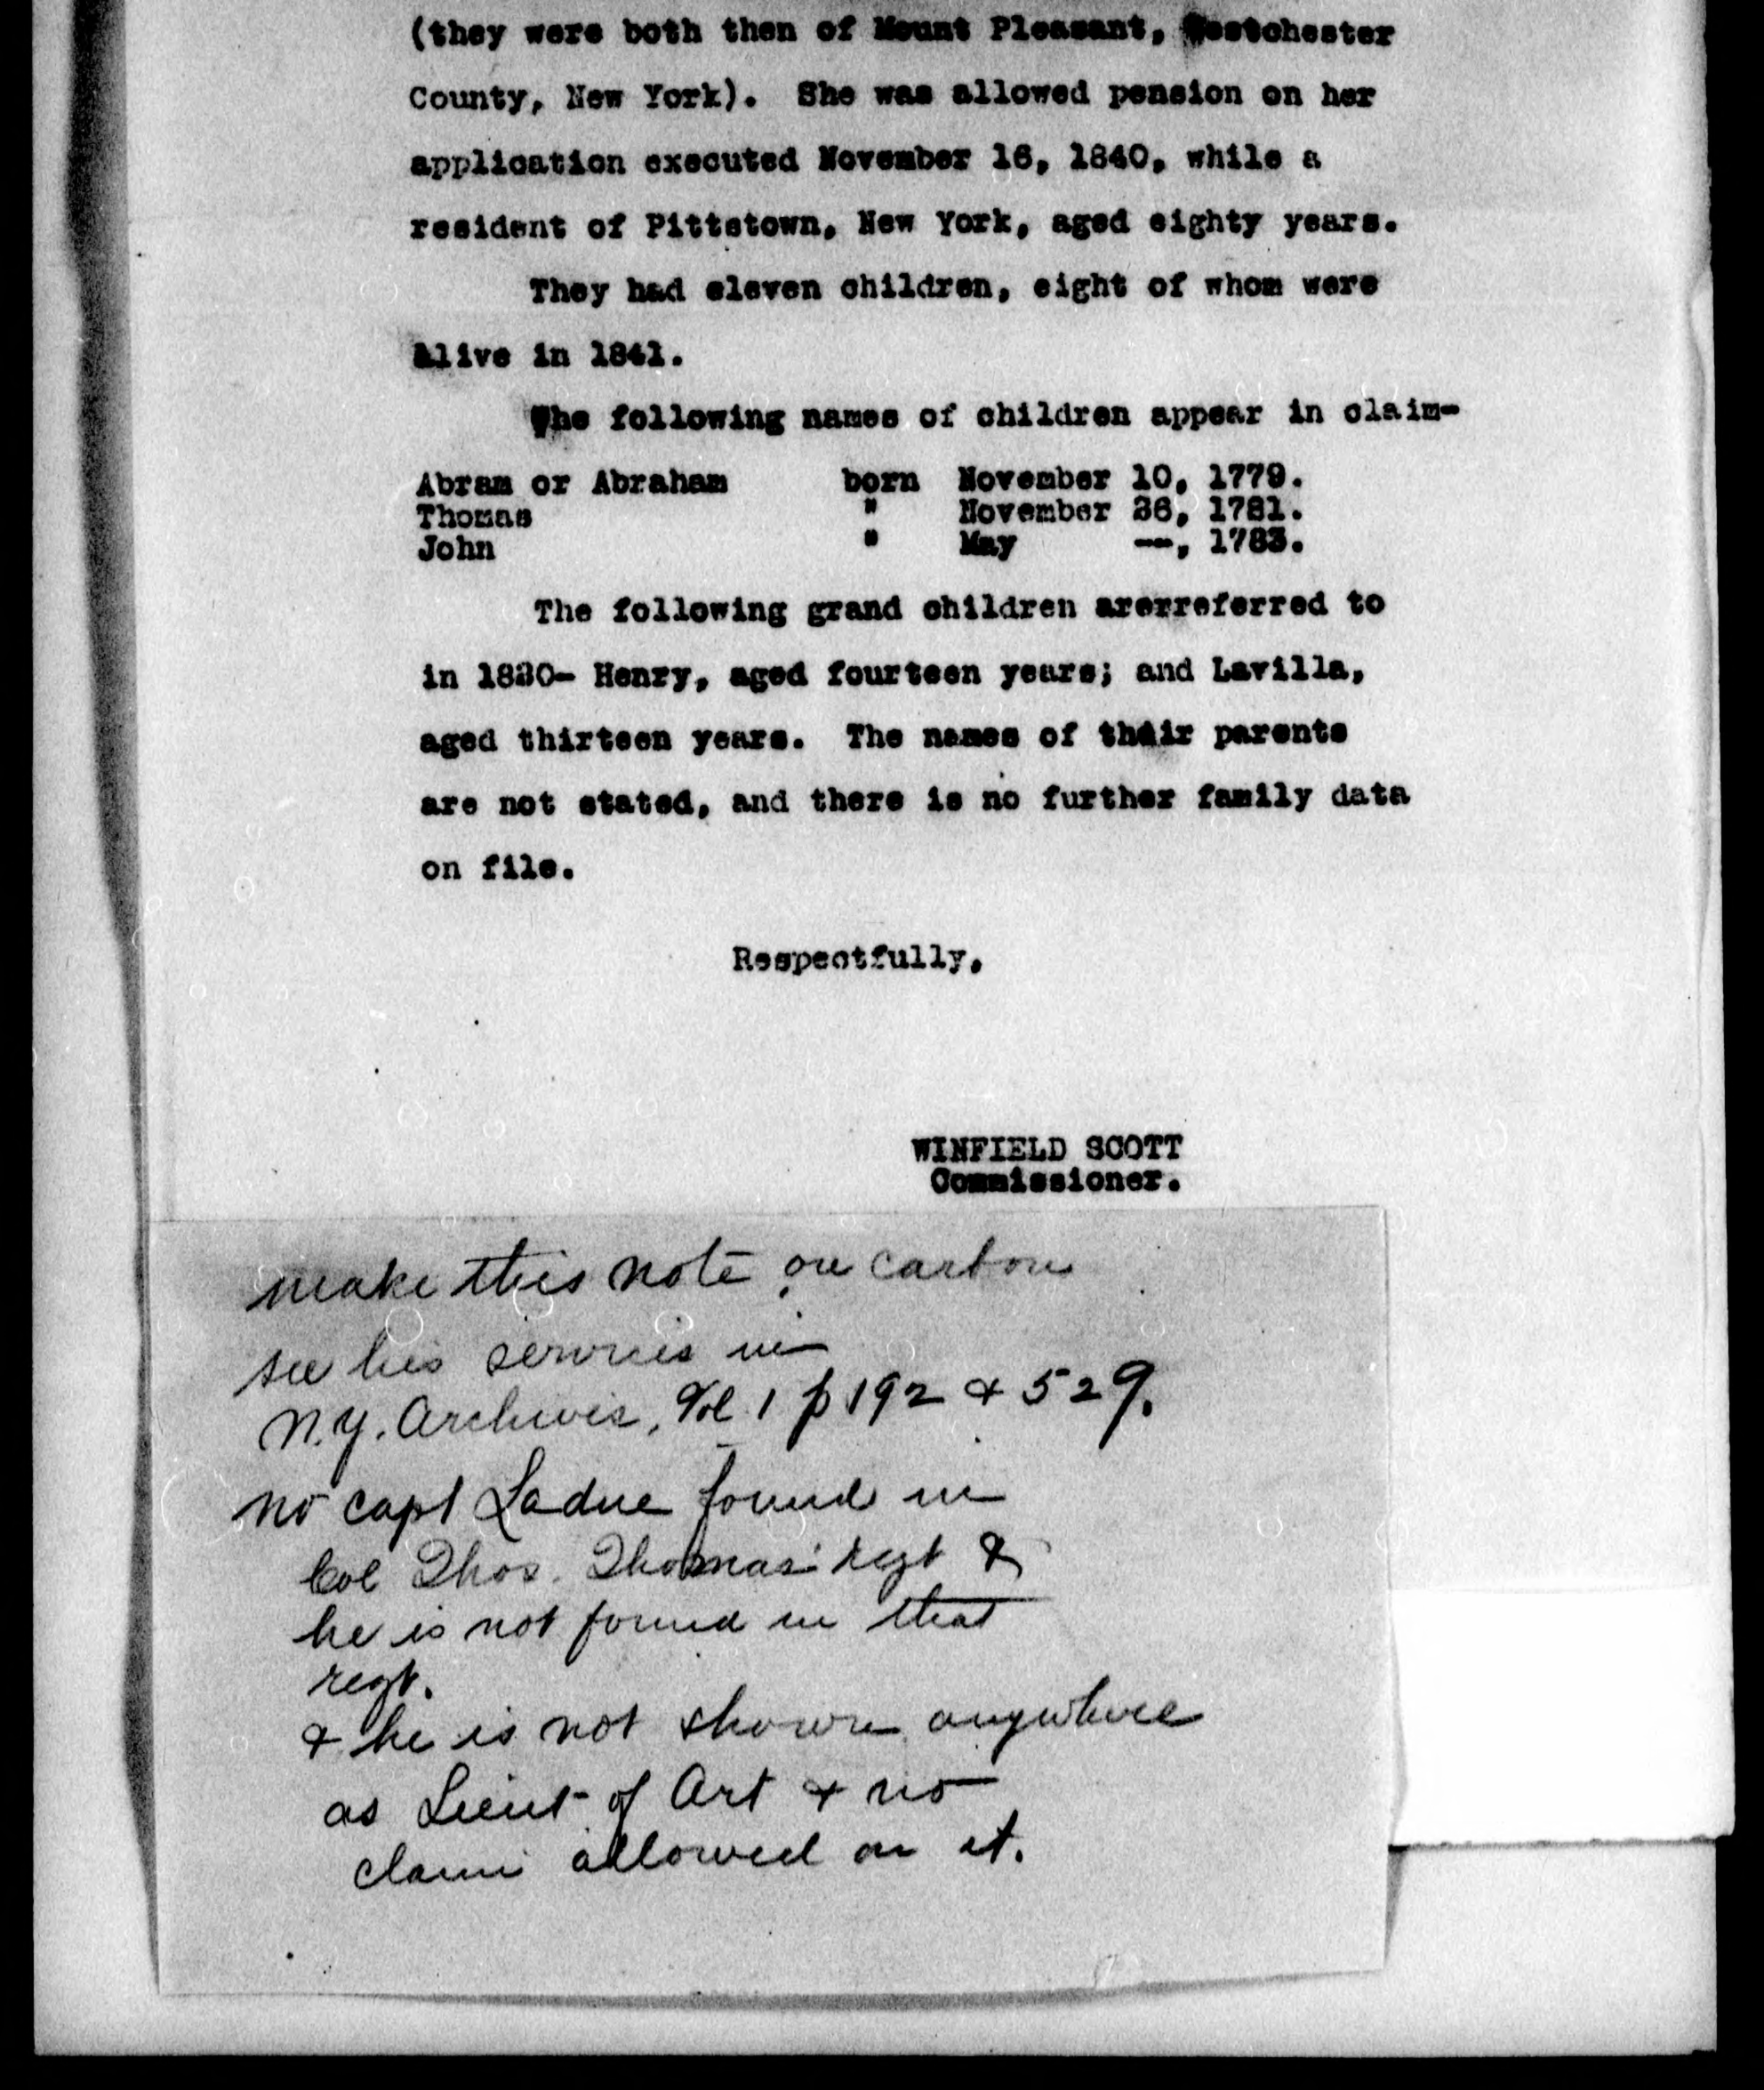(they were both then of Mount Pleasant, Westchester County, New York). She was allowed pension on her application executed November 16, 1840, while a resident of Pittstown, New York, aged eighty years. 
They had eleven children, eight of whom were alive in 1841. 
The following names of children appear in claim –
Abram or Abraham born November 10, 1779. 
Thomas born November 36, 1781. 
John born May __,1783. 
The following grand children are referred to in 1820 - Henry, aged fourteen years; and Lavilla, aged thirteen years. The names of their parents are not stated, and there is no further family data on file. 
Respectfully, 
WINFIELD SCOTT 
Commissioner. 

make this note on carbon 
see his services in N.Y. Archives, Vol 1 p192 & 529 
no capt Ladue found in Col Thos. Thomas’ regt & he is not found in that regt. 
& he is not shown anywhere as Lieut of Art & no claim allowed on it.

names: Henry, Ladue, Abram, Thomas, Winfield Scott, Abraham, Lavilla, John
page: 37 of 102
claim: widow's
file: W. 18239, Isaac Van Wart, New York